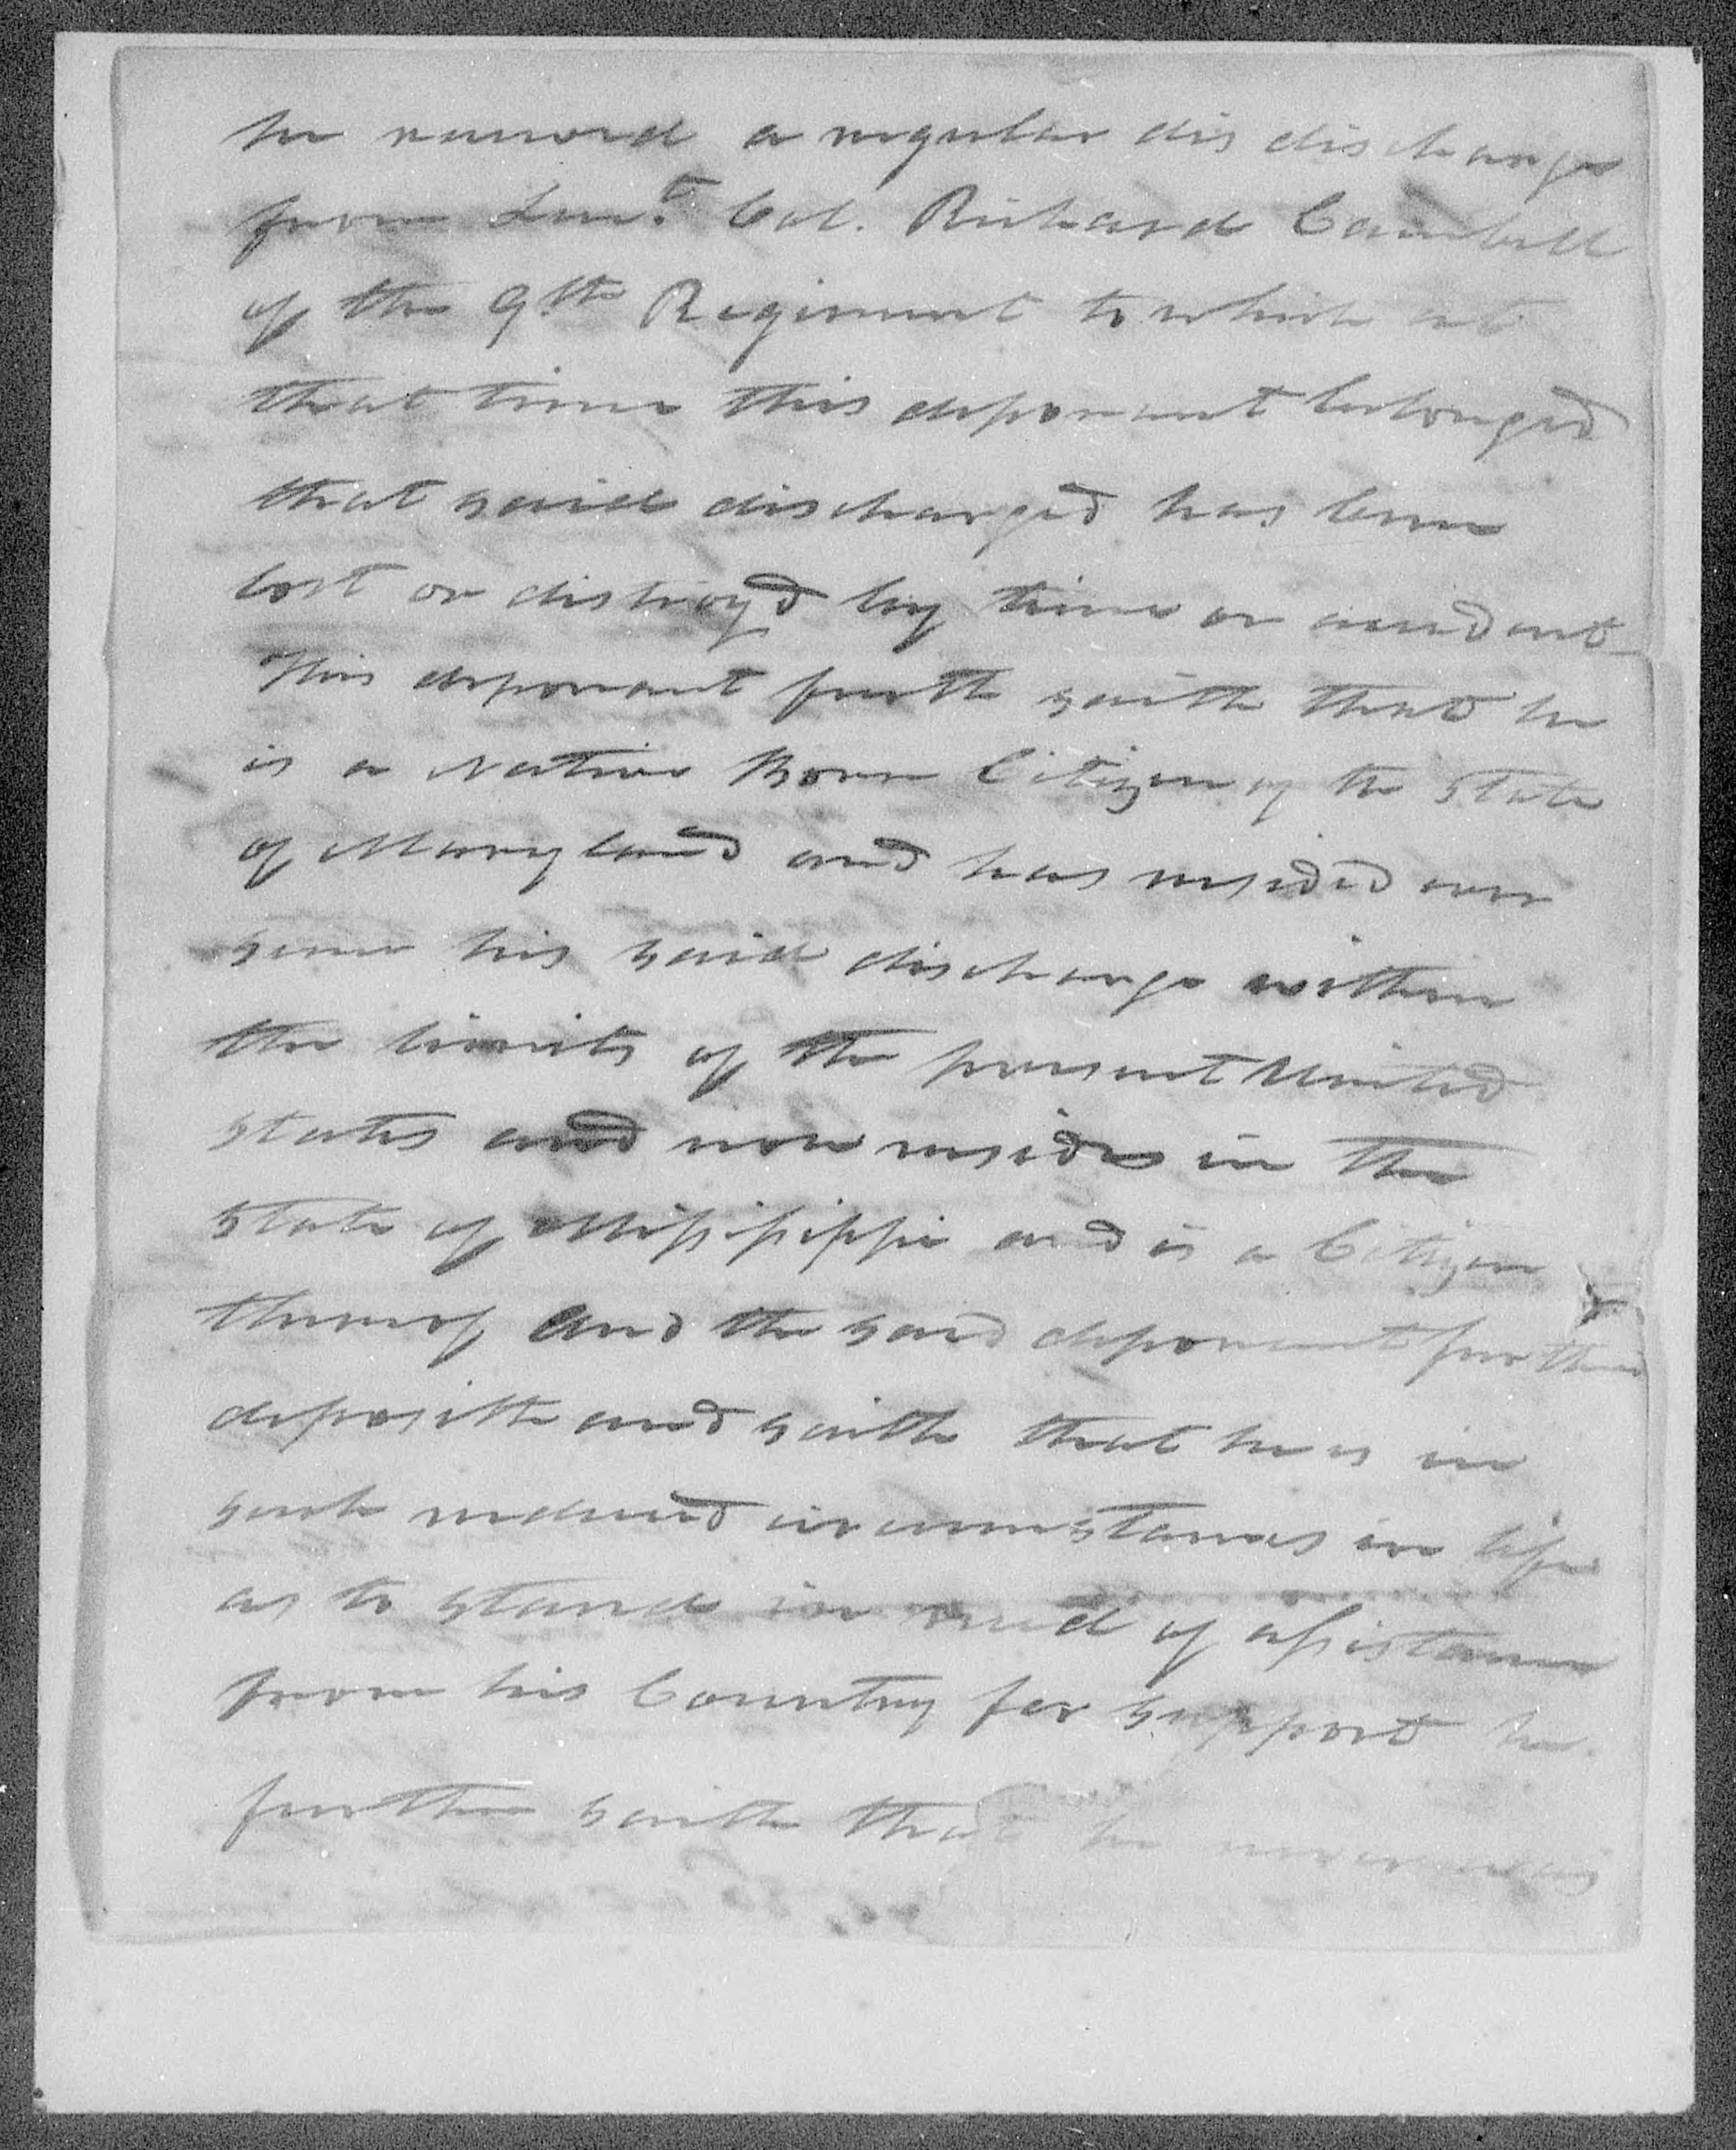for nunward(?) a neighbor his discharge from Lie.t Col. Richard Cambell of the 9th Regiment to which at that time this deponent belonged that said discharge has been lost of destroyed by time or accident this deponent further saith that he is a Native Born Citizen of the State of Maryland and has resided ever since his said discharge within the limits of the present United States and now resides in the State of Mississippi and is a Citizen thereof and the said deponent further deposeth and saith that he is in such reduced circumstances in life as to stand in need of assistance from his Country for support and further saith the [illegible]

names: Richard Cambell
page: 5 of 24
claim: survivor's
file: S. 34903, Benjamin Goodwin, Va.